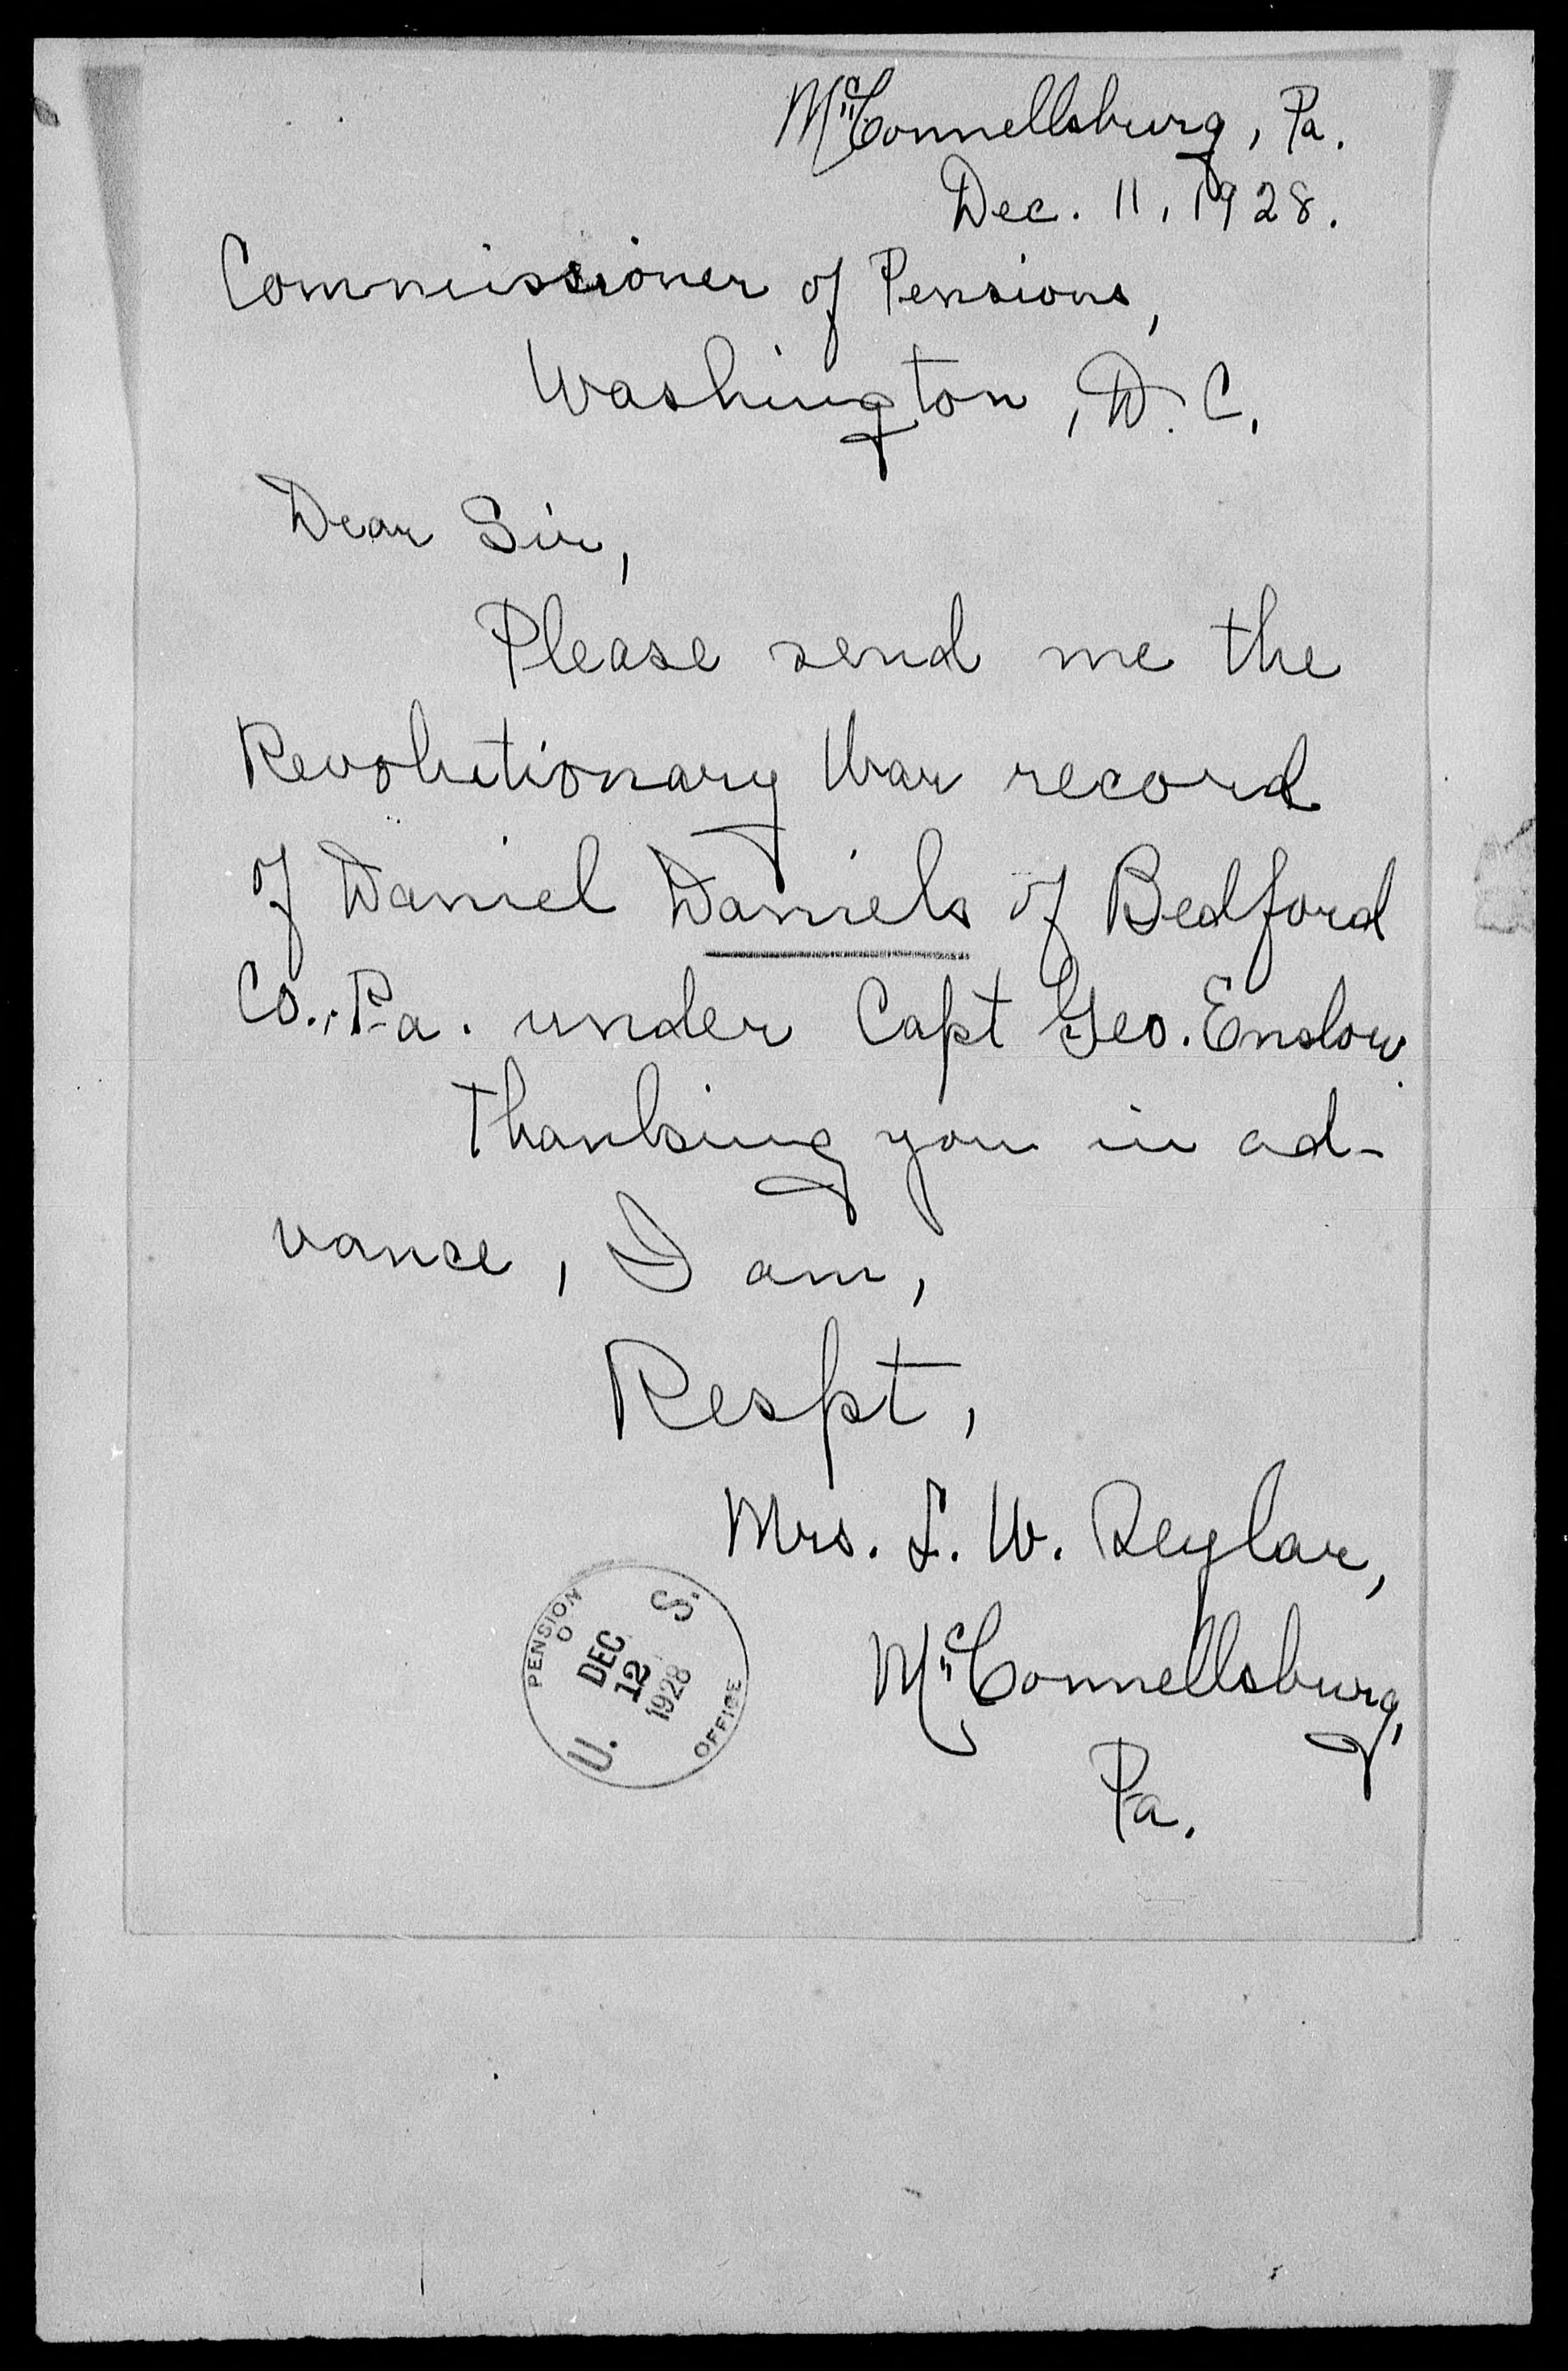McConnellsburg, Pa.
Dec. 11, 1928
Commissioner of Pensions,
Washington, D. C.
Dear Sir,
Please send me the
Revolutionary War record
of Daniel Daniels of Bedford
Co., Pa. under Capt Geo. Enslow.
Thanking you in advance,
I am,
Respt,
Mrs. L. W. Seylar,
McConnellsburg,
Pa.

[postmark]
U. S. PENSION OFFICE
O
DEC
12
1928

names: Daniel Daniels, L W Seylar, Geo Enslow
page: 35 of 35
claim: rejected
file: R. 2,650, Daniel Daniels, Penn.